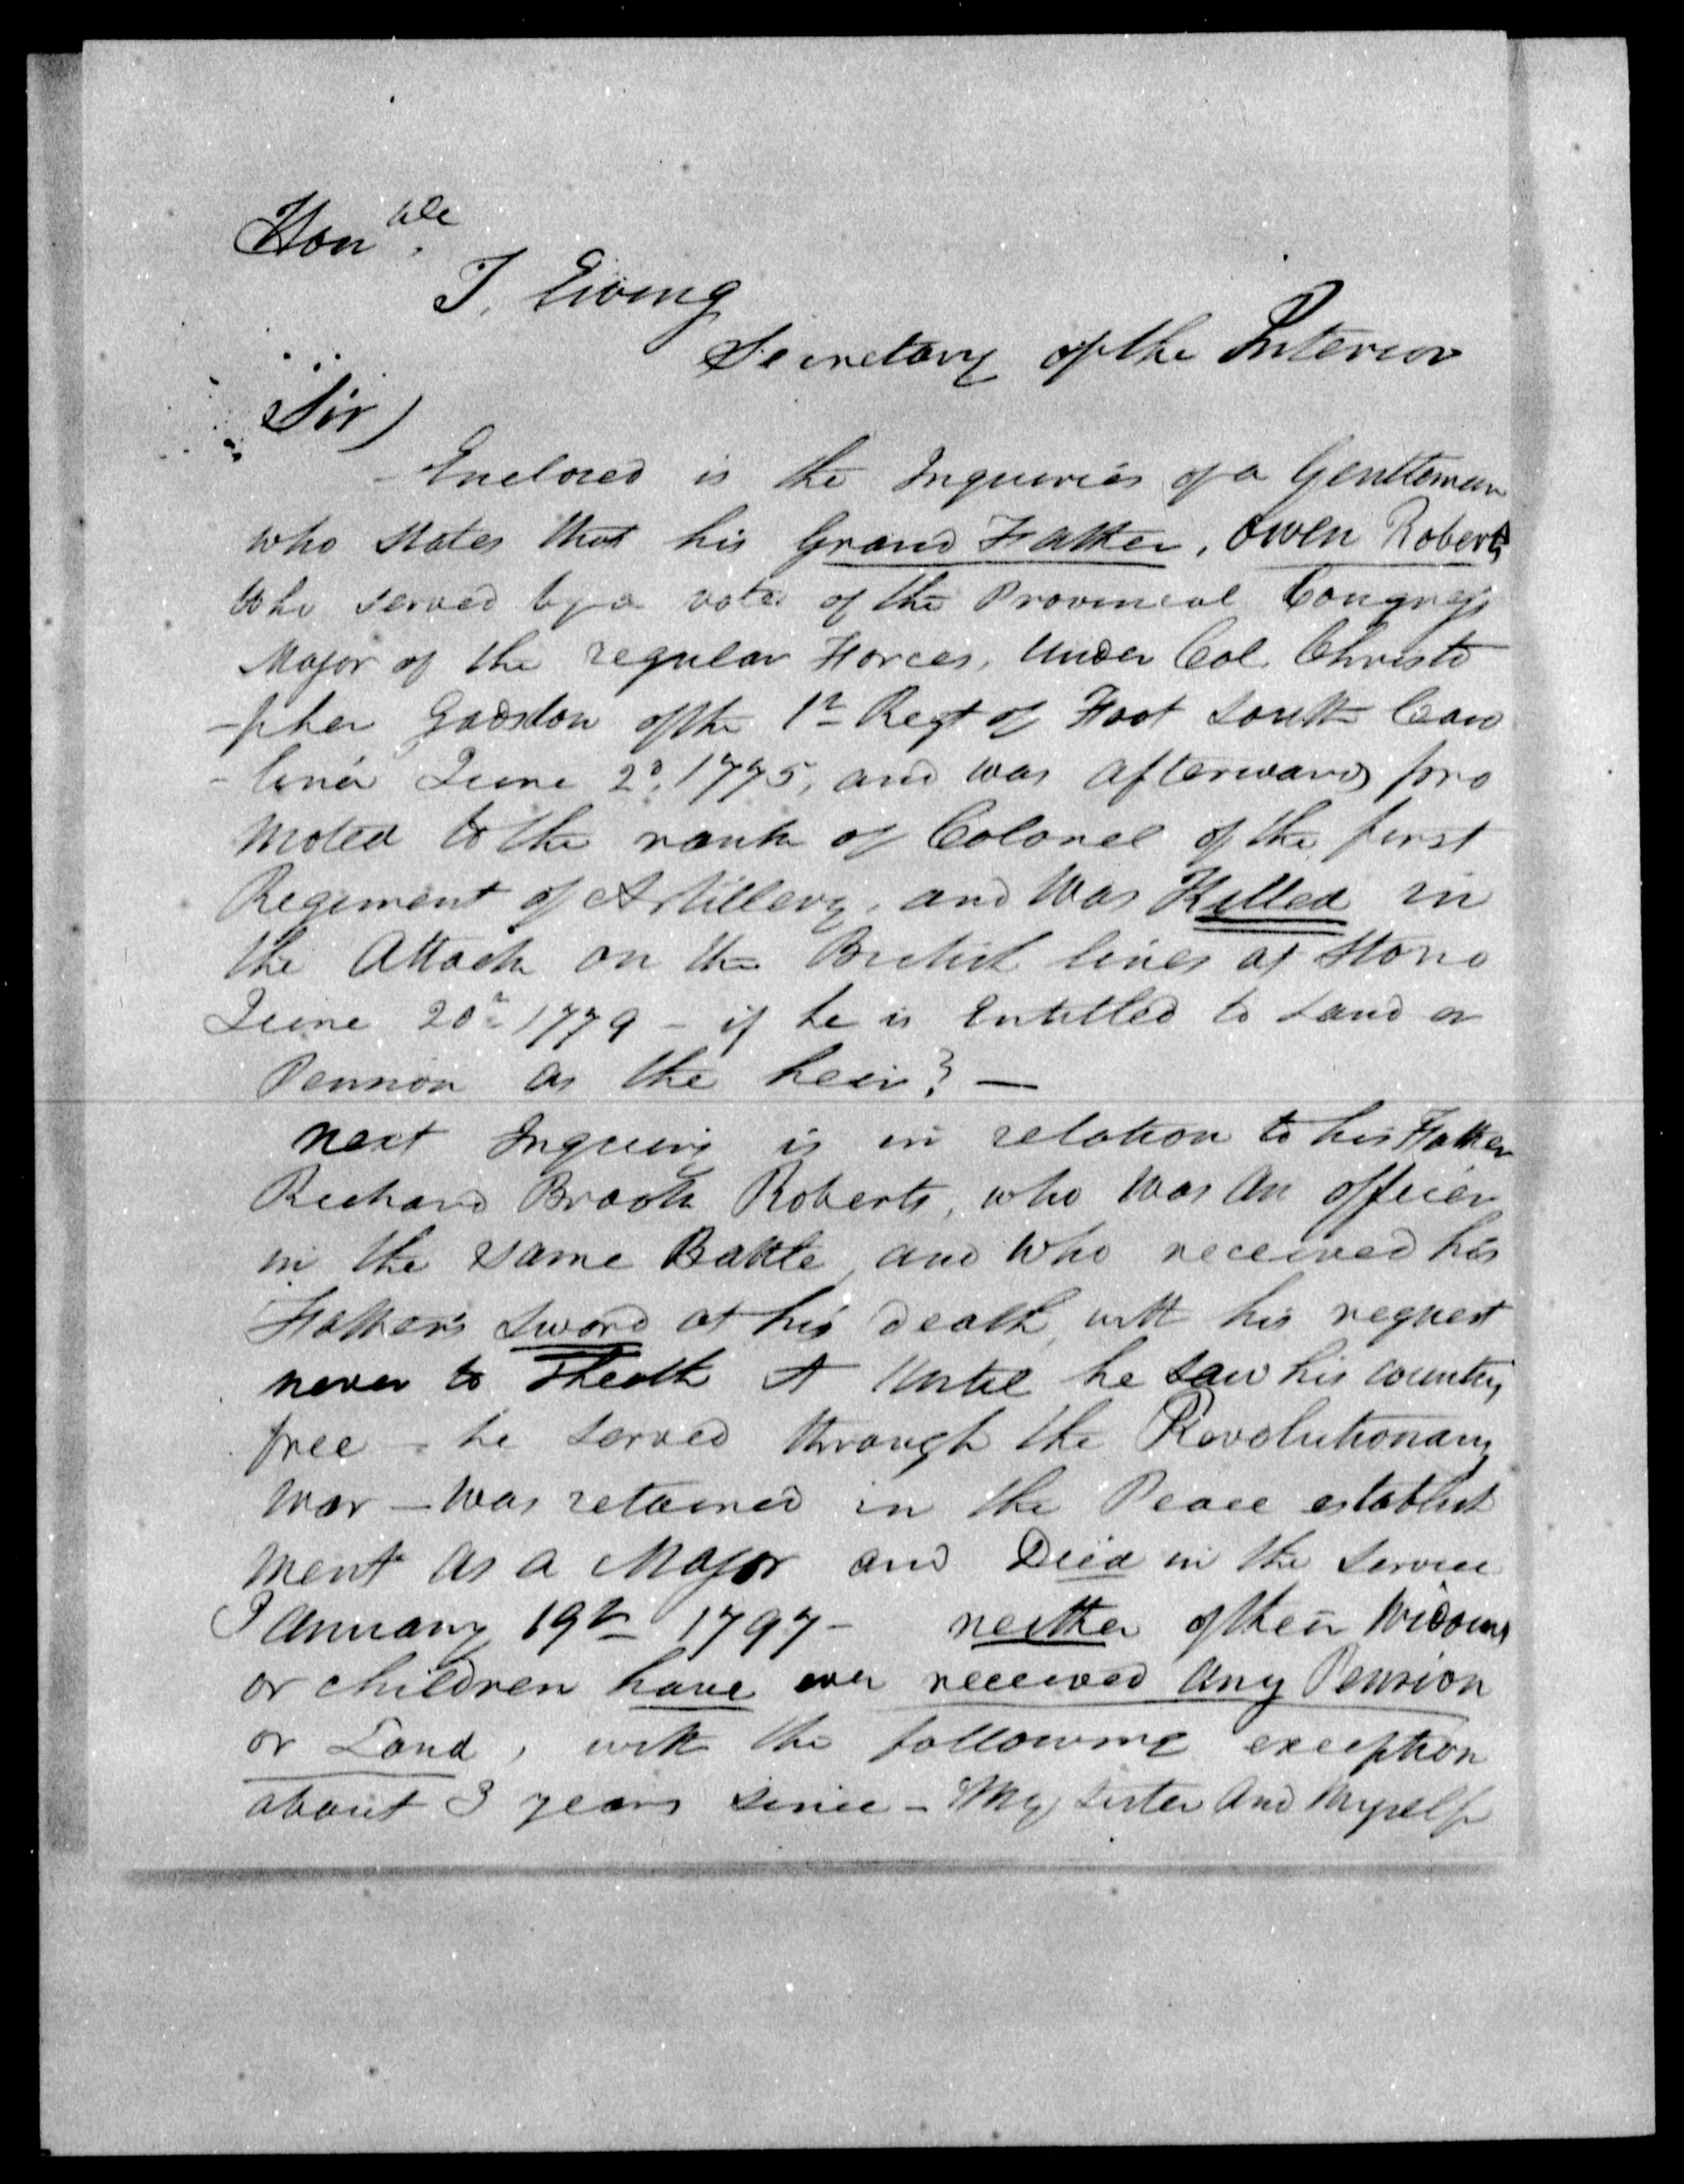Honble [Honorable]
T. Ewing
Secretary of the Interior

Sir
Inclosed is the Inquiries of a Gentleman who states that his Grand Father, Owen Roberts [previous four words underlined] who served by a vote of the Pronvincial Congress Major of the regular Forces, under Col. Christopher Gadsdon of the 1st Regt of Fort South Carolina June 2d 1775, and was afterwards promoted to the rank of Colonel of the first Regiment of Artillery, and was Killed [previous word twice underlined] in the Attack on the British lines at Stono June 20th 1779 - if he is entitled to Land or Pension as the heir? -
next Inquiry is in relation to his Father Richard Brook Roberts, who was an officer in the same Battle and who received his Father's sword [previous word twice underlined] at his death, with his request never to sheath it until he saw his country free - he served through the Revolutionary War - was returned in the Peace establishment as a Major and Died [previous word underlined] in the Service January 19th, 1797 - neither [previous word underlined] of their widows or children have ever received any Pension or land [previous seven words underlined], with the following exception about 3 years since - My sister and myself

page: 57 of 59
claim: bounty land warrant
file: B.L.Wt. 2359-500, for Owen Roberts, South Carolina